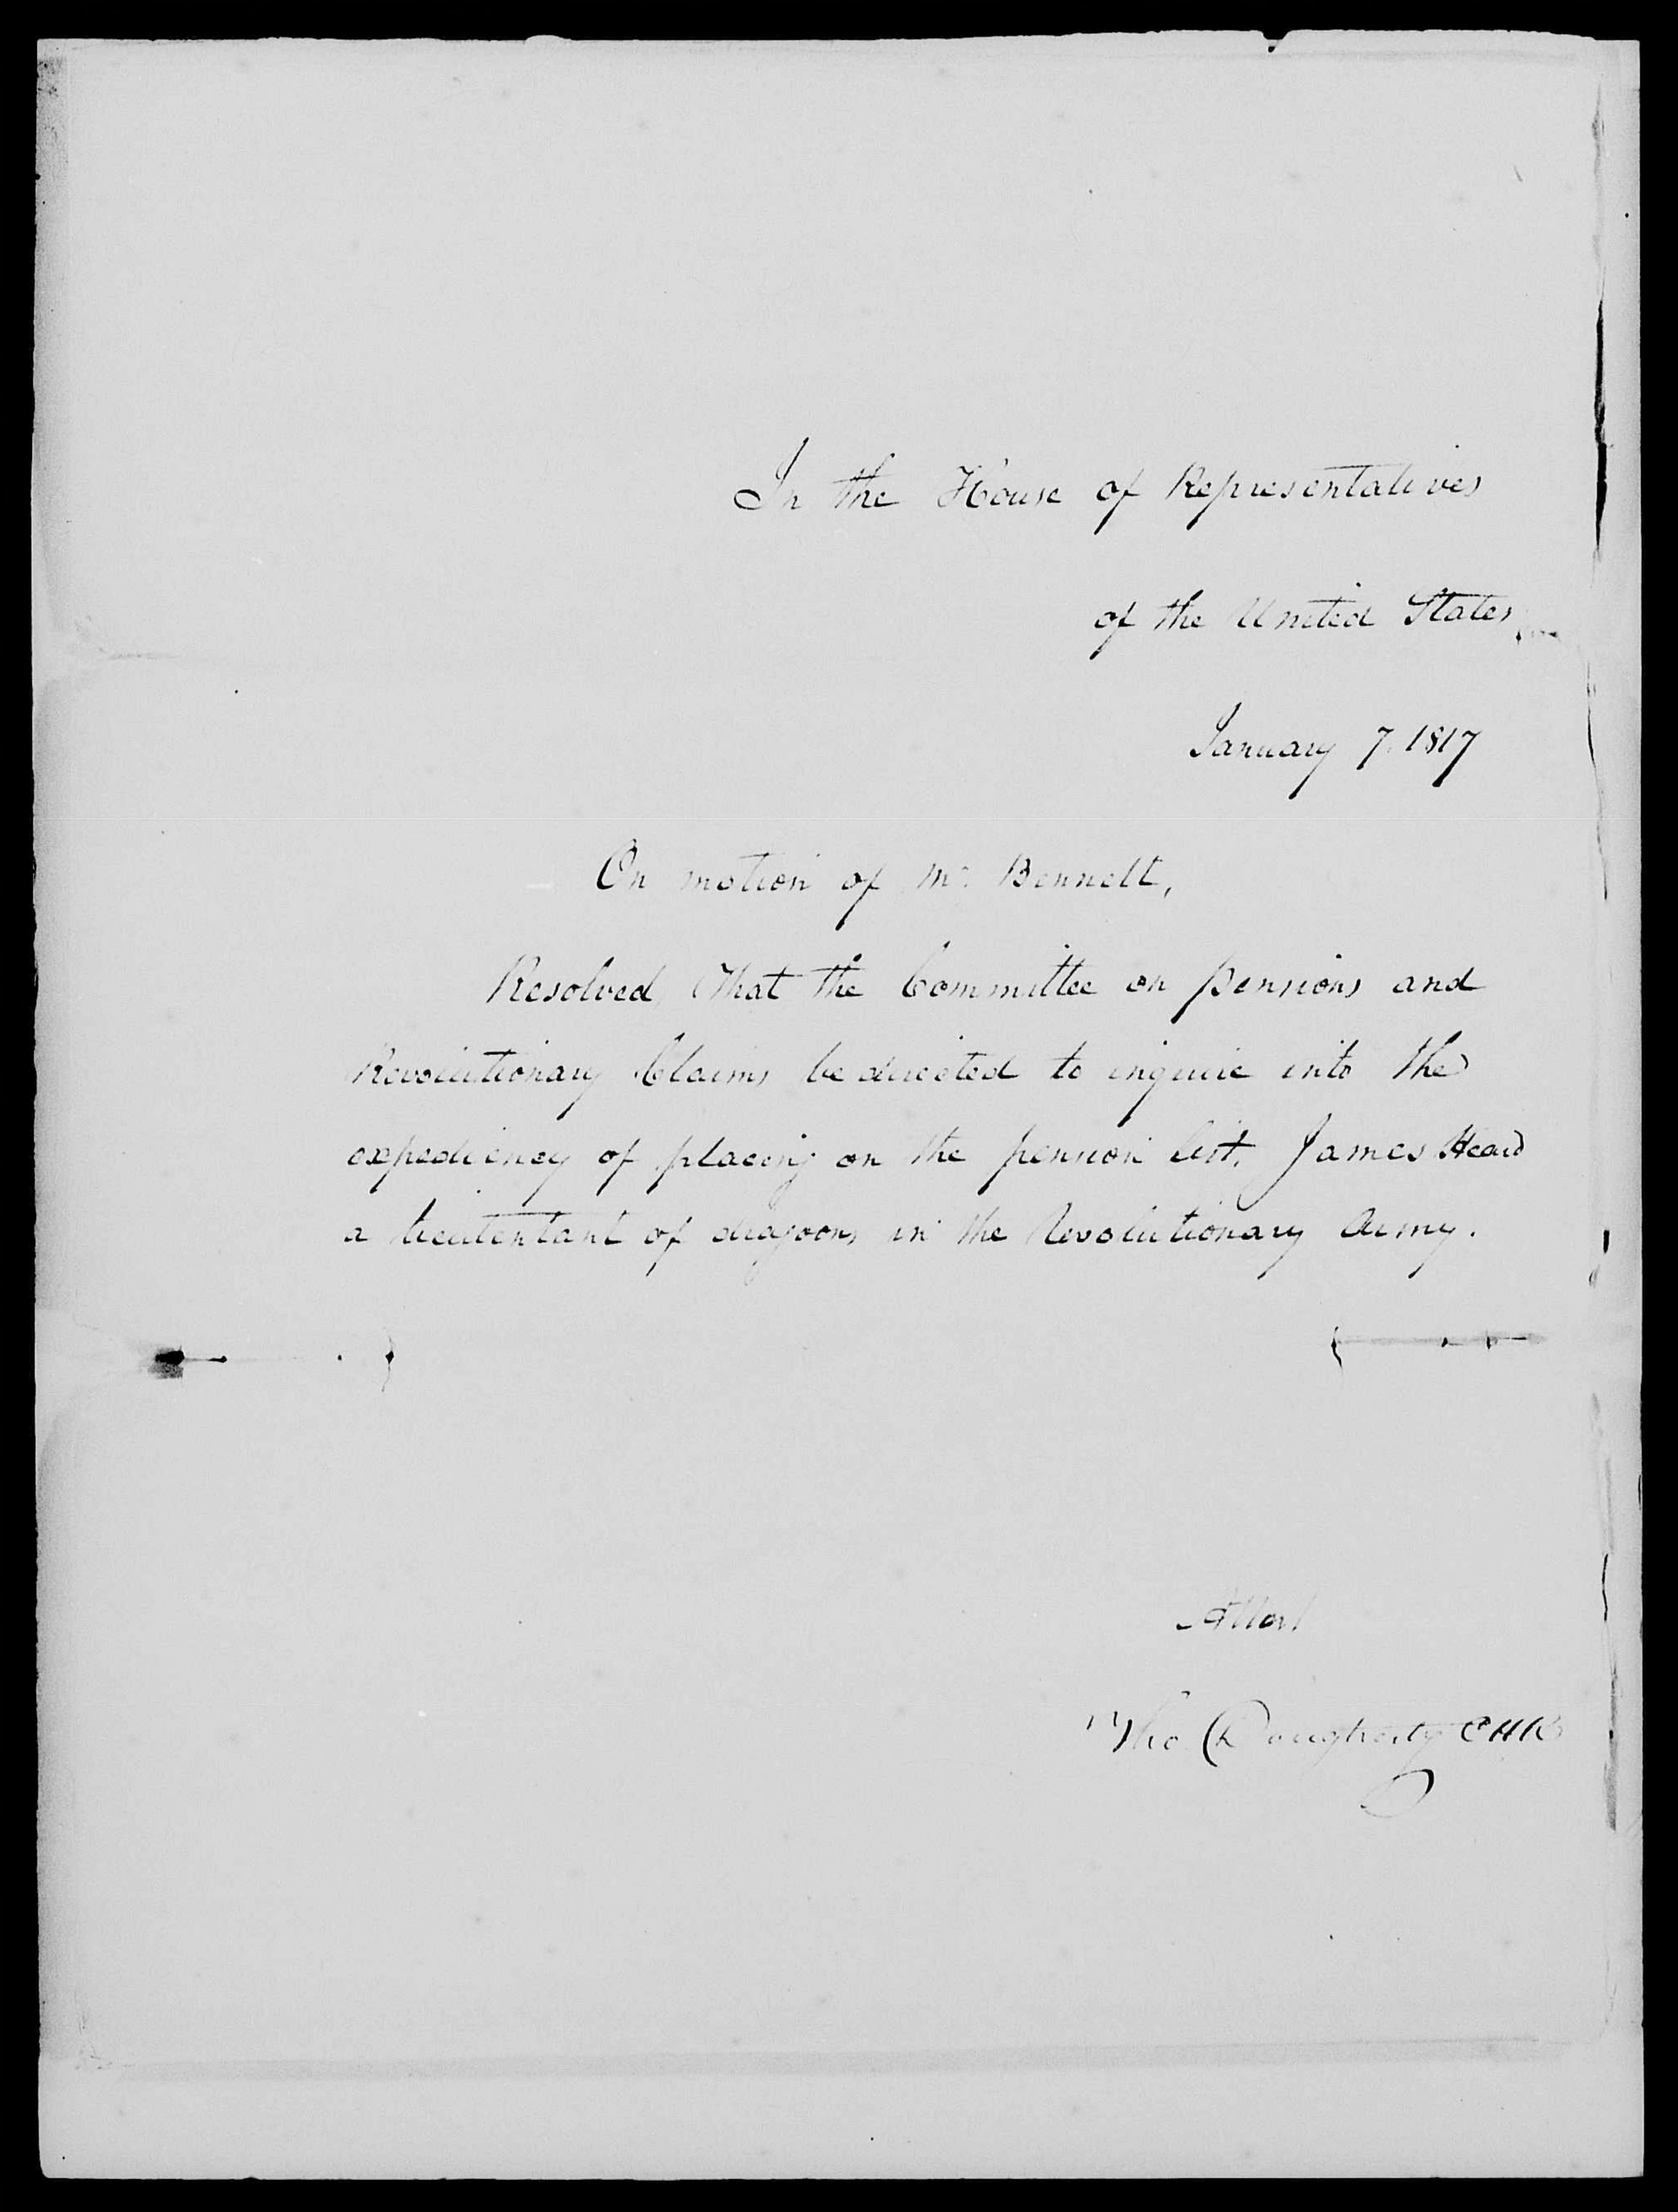In the House of Representatives of the United States

January 7, 1817

On the motion of Mr. Bennett,
Resolved that the Committee on Pensions and Revolutionary Claims be directed to inquire into the expediency of placing on the pension list, James Heard, a Lieutenant of dragoons, in the Revolutionary Army. 

 Attest
Tho Dougherty CHR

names: Tho Dougherty, James Heard, Bennett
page: 17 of 62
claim: survivor's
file: S. 540, James Heard, Continental - New Jersey Residence In 1818